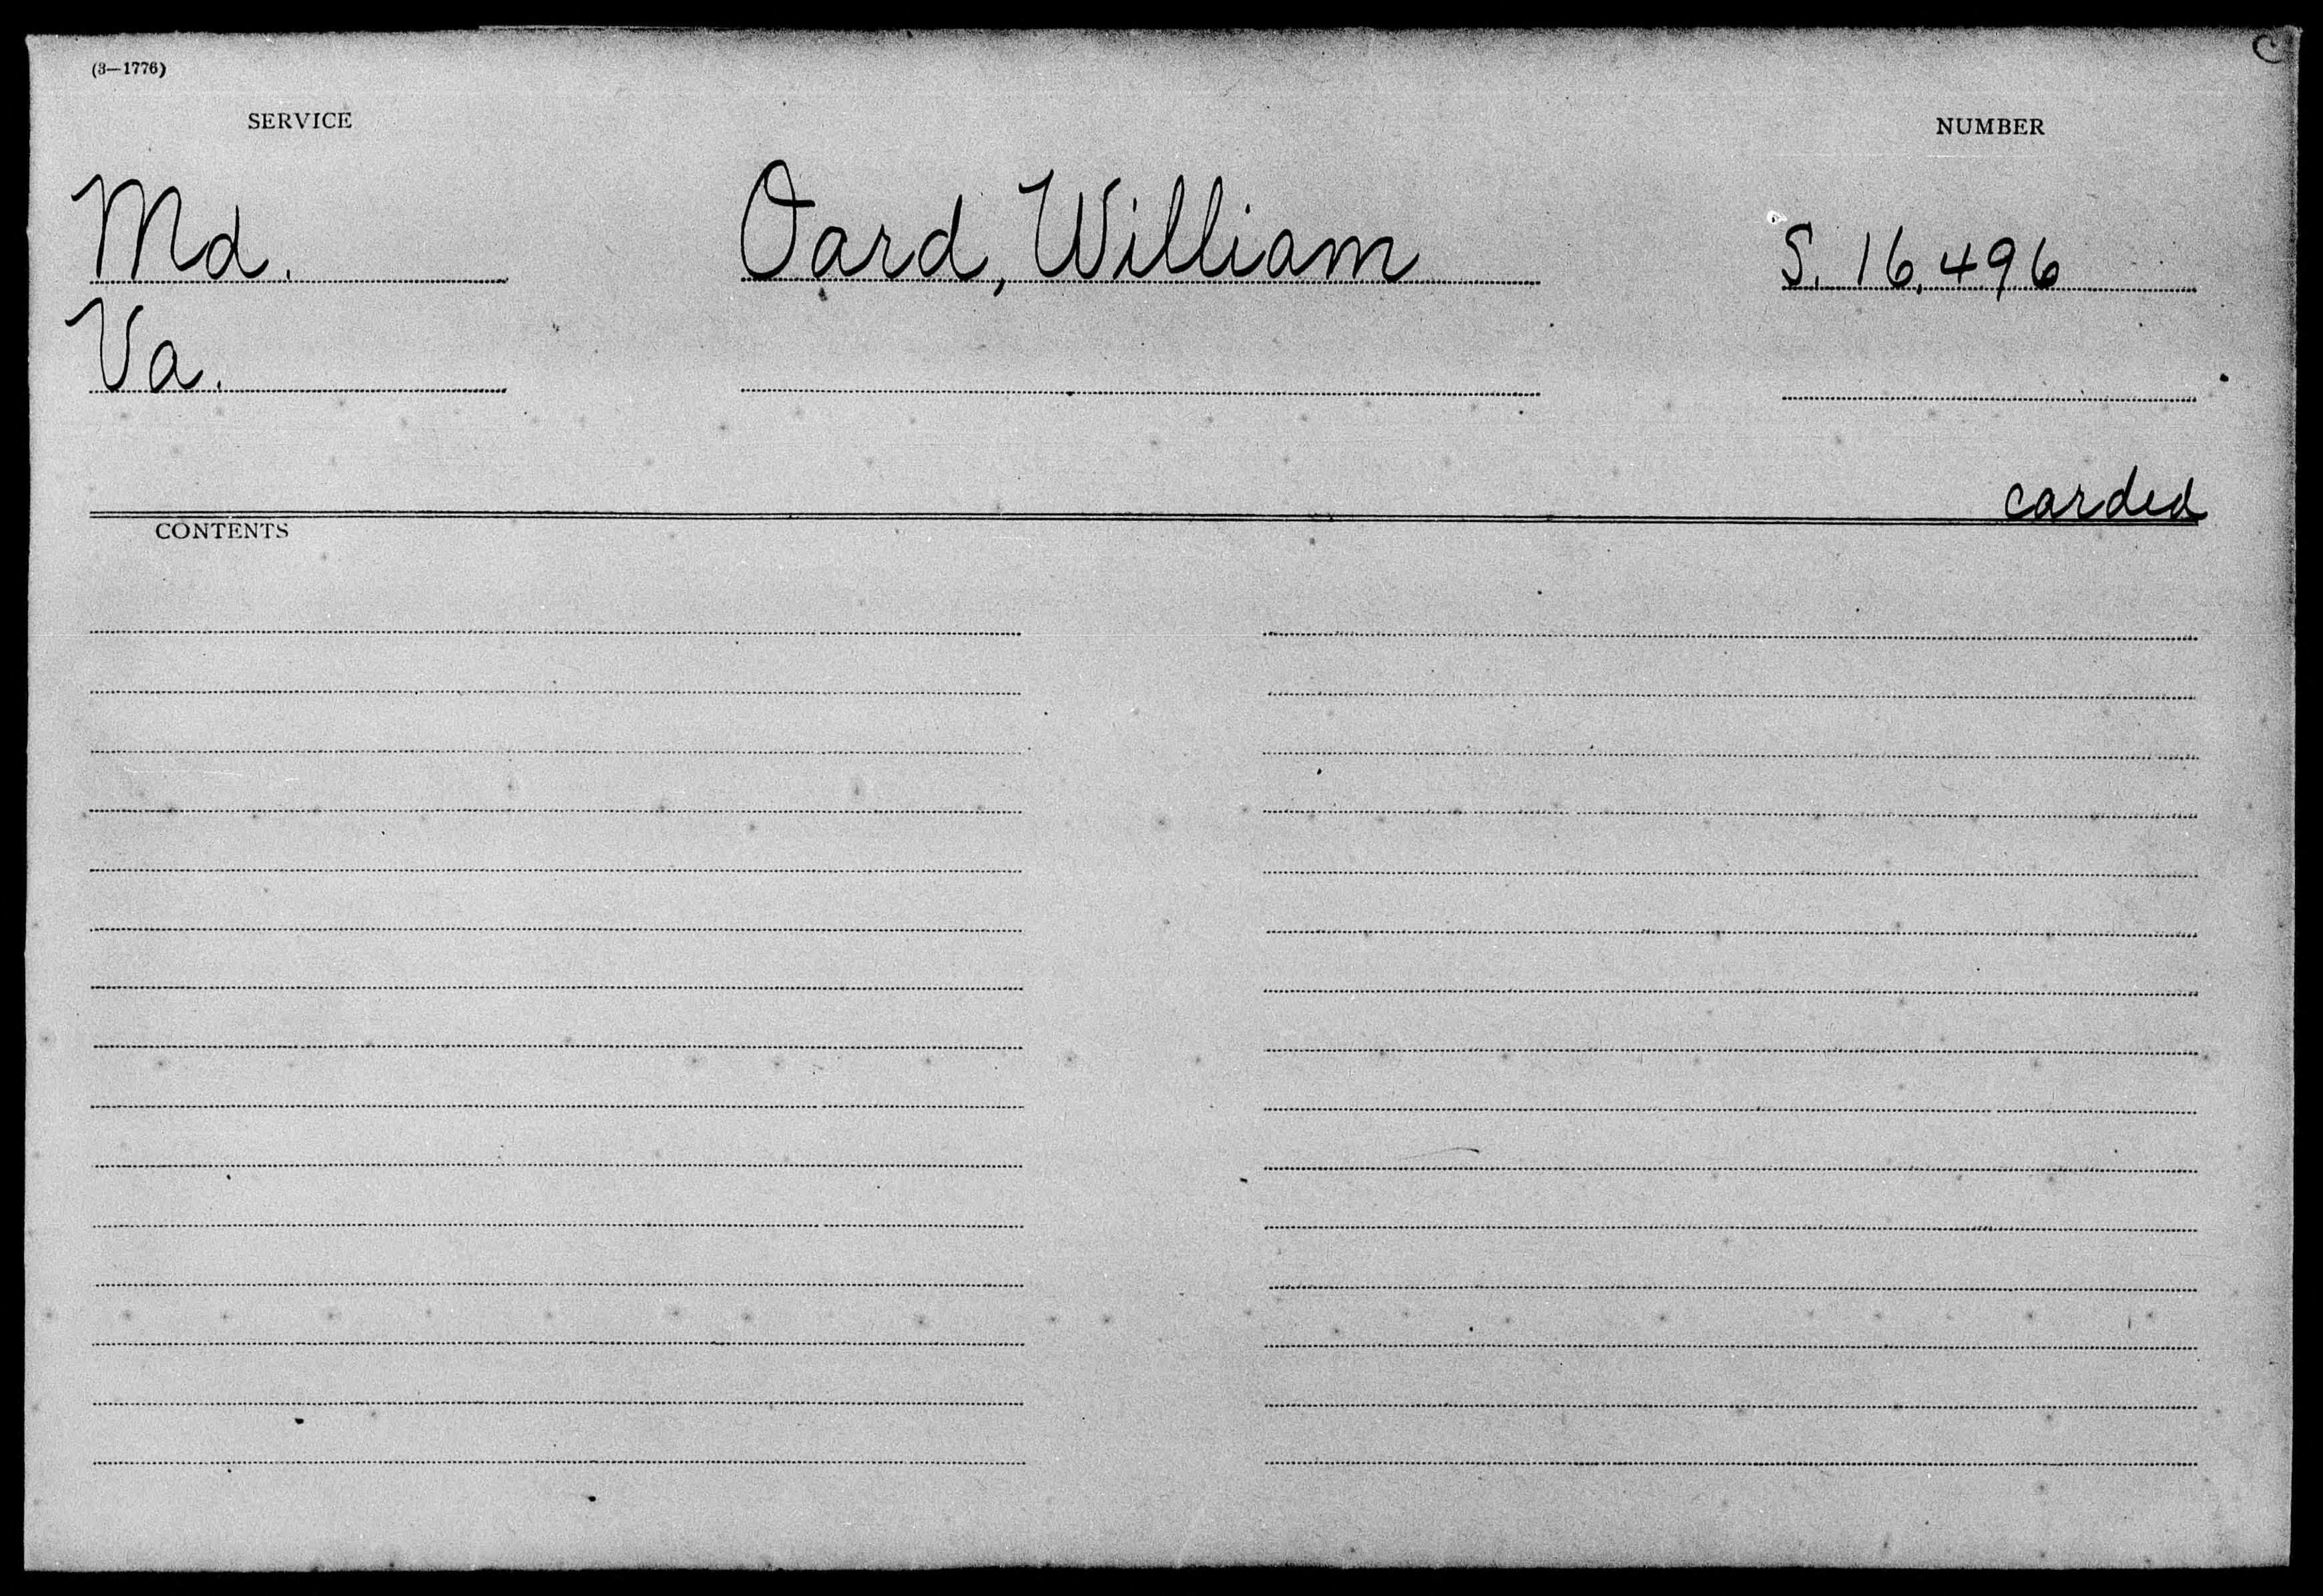(3-1776)
SERVICE | | NUMBER
Md. | Oard, William | S. 16.496
Va. | | |
carded
CONTENTS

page: 1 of 18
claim: survivor's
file: S. 16,496, for William Oard, Maryland